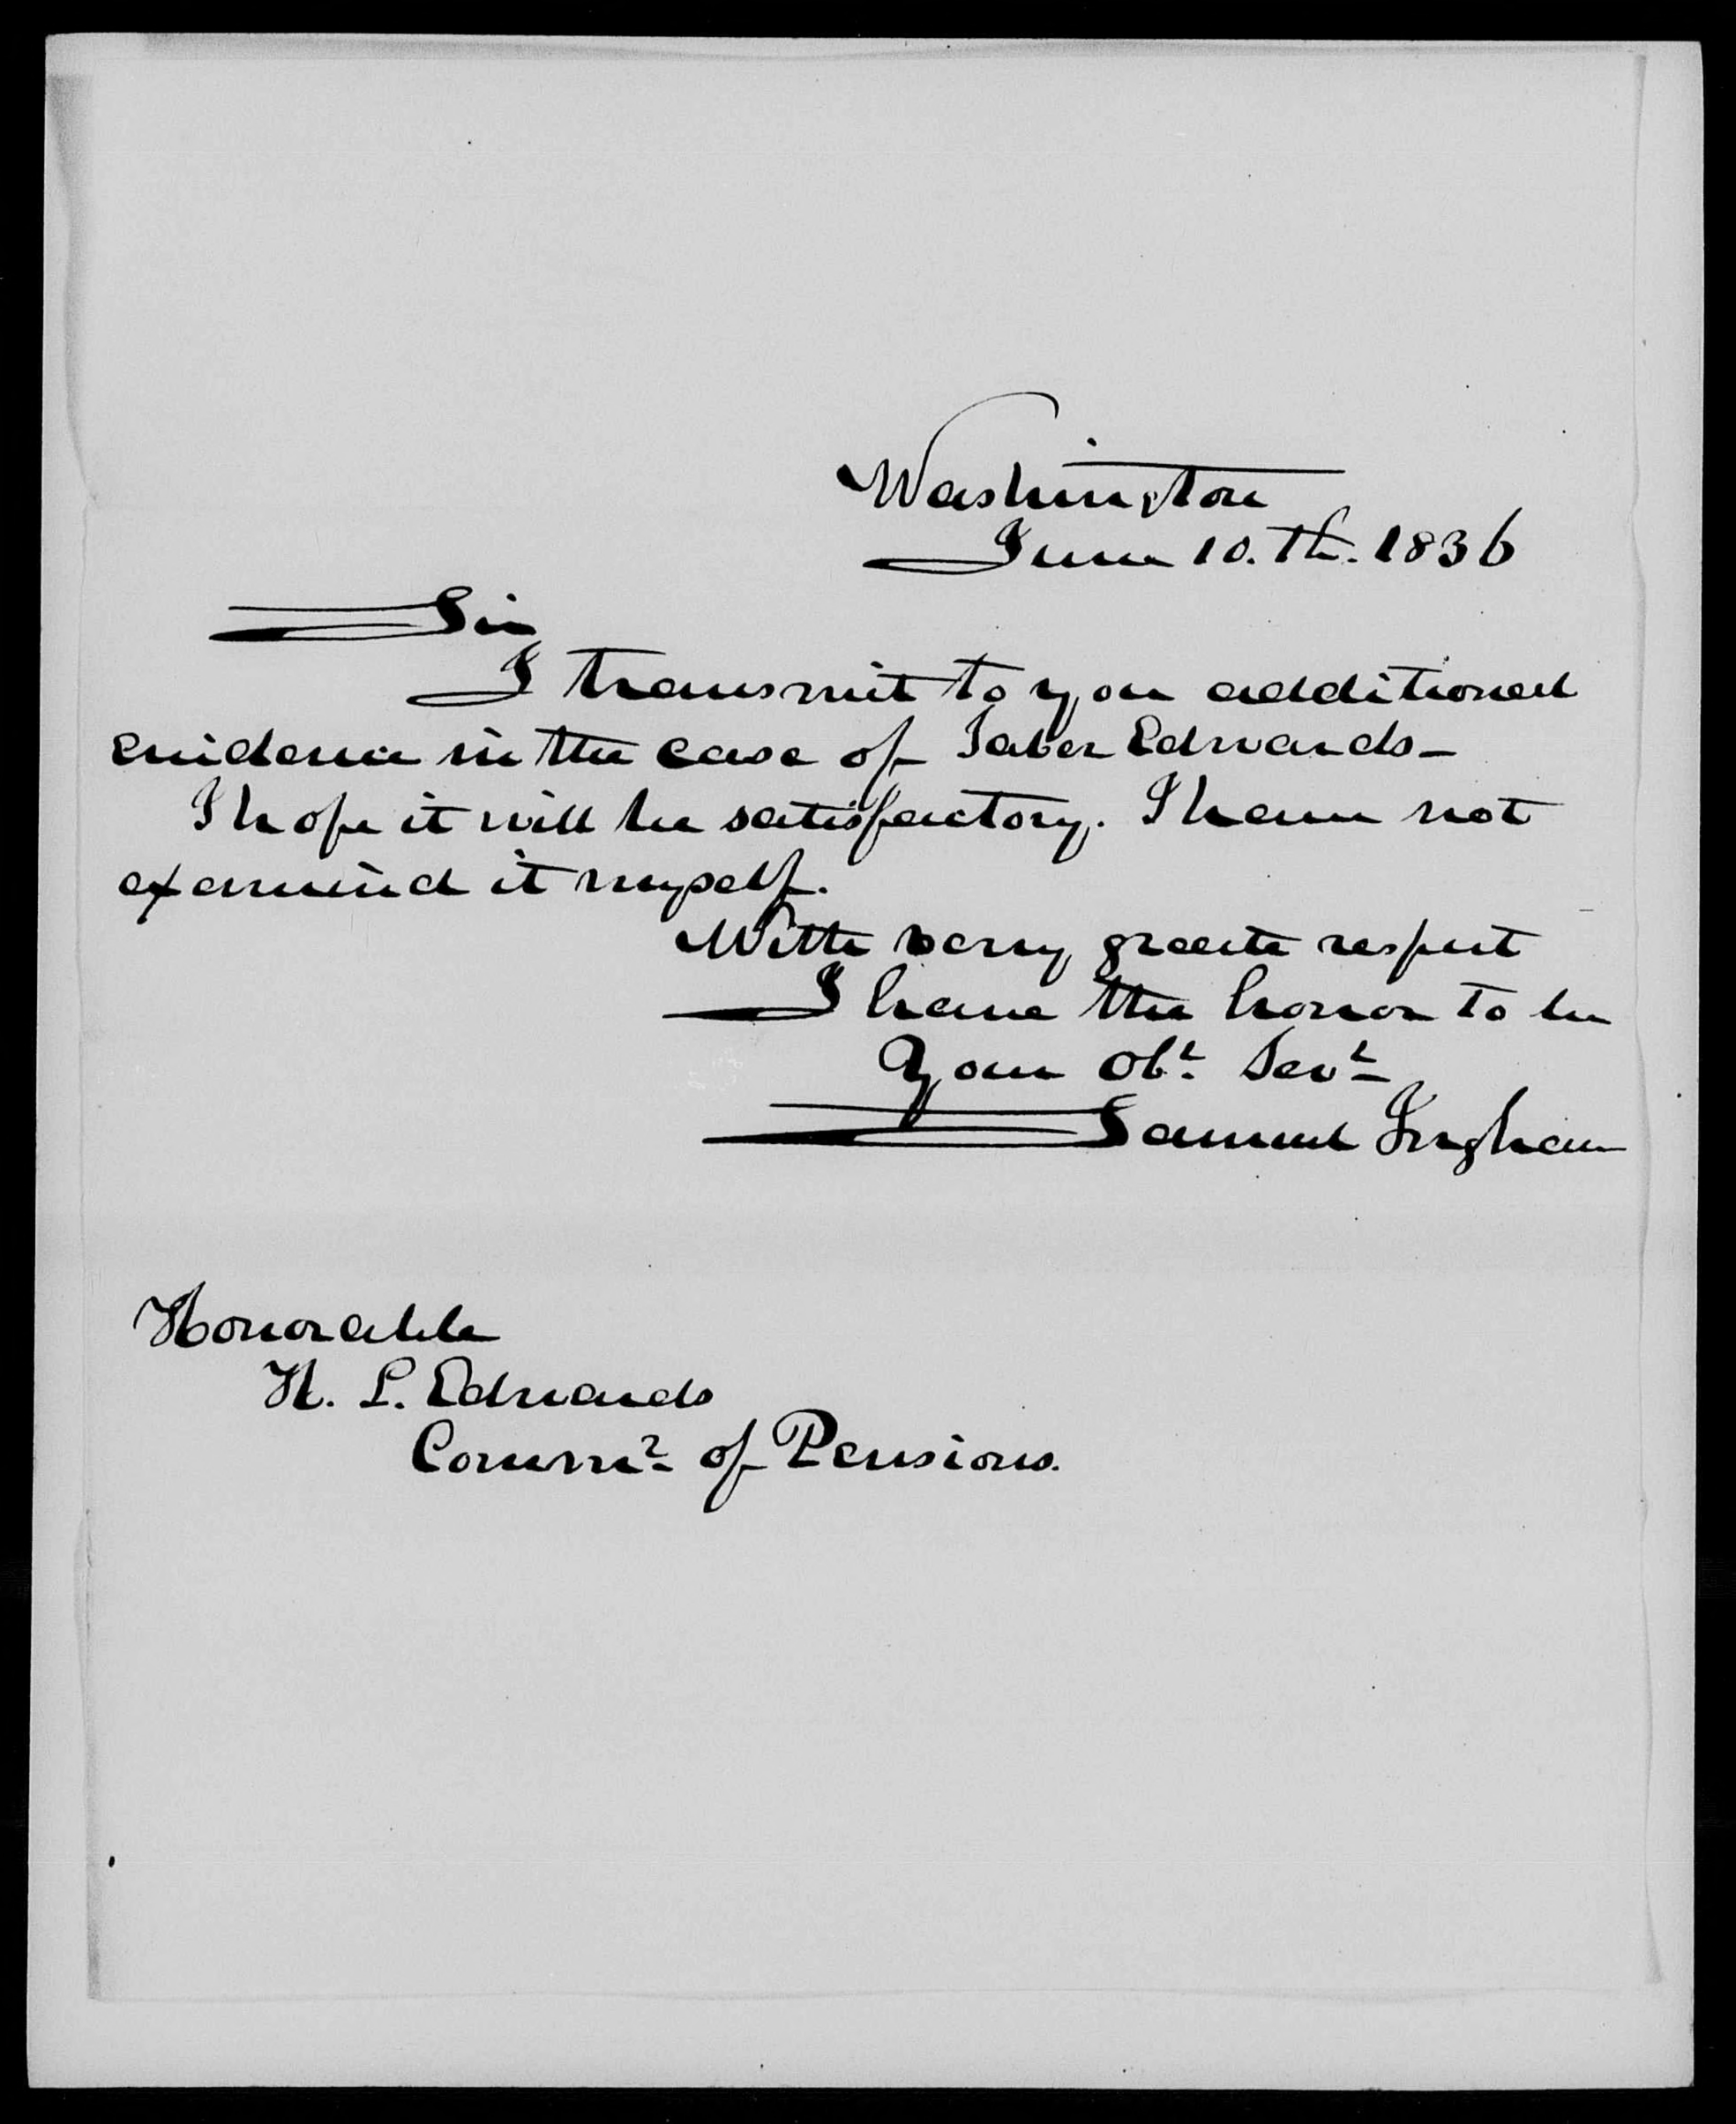Washington
June 10th 1836

Sir
I transmit to you additional evidence in the case of Jabez Edwards. I hope it will be satisfactory. I have not examined it myself.

With very great respect I have the honor to be your obedient servant,
Samuel Ingham

Honorable
H.L. Edwards
Commissioner of Pensions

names: Jabez Edwards, H L Edwards, Samuel Ingham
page: 30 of 50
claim: survivor's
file: S 10607, Jabez Edwards, Conn.